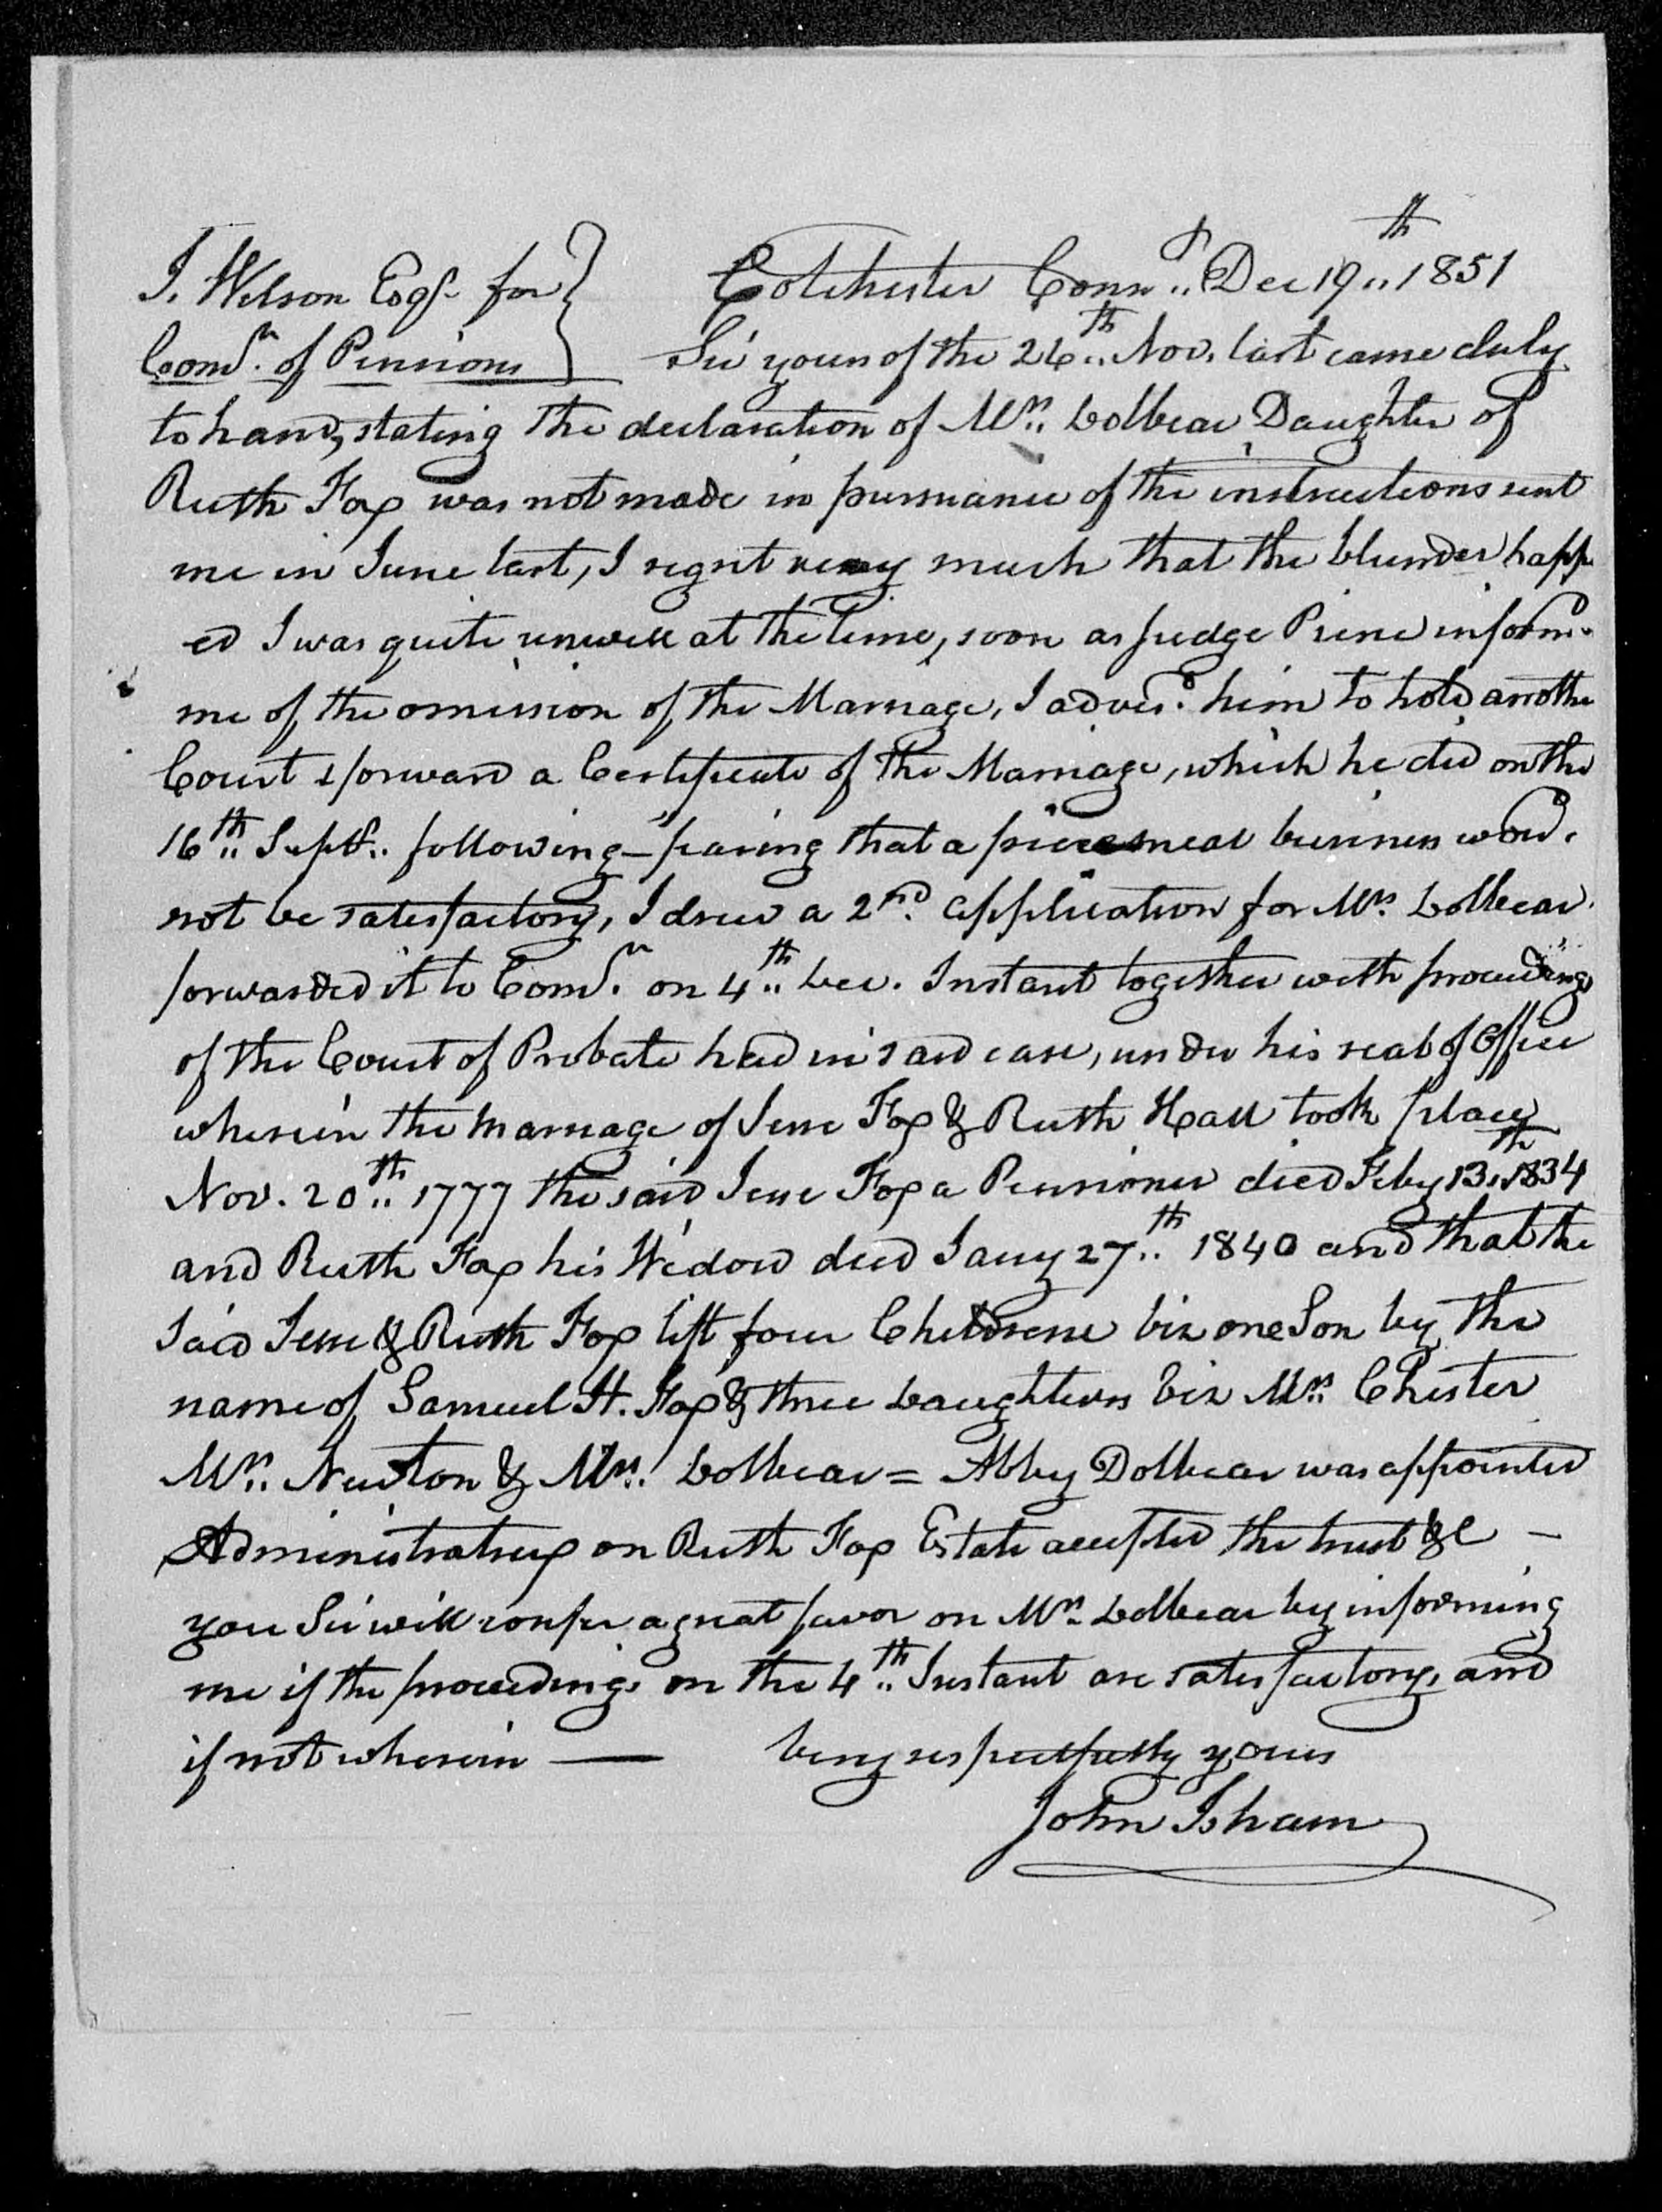J. Wilson Esq. for Commr of Pensions}
Colchester Connt Dec 19th 1851

Sir yours of the 26th Nov. last came duly to hand, stating the declaration of Mrs. Dolbear, daughter of Ruth Fox was not made in pursuance of the instructions sent me in June last, I regret very much that the blunder happened I was quite unwell at the time, soon as Judge Pierce informed me of the omission of the marriage, I advisd him to hold another Court & forward a certificate of the marriage, which he did on the 16th Sept., following- having that a personal business would bot be satisfactory, I drew a 2nd application for Mrs. Dolbear, forwarded it to Commr in the 4th Dec. Instant together with providing of the Court of Probate held in said case, under his seal of Office wherein the marriage of Jesse Fox & Ruth Hall took place Nov 20th 1777, the said Jesse Fox a pensioner died Feby 13th 1834 and Ruth Fox his widow died Jany 27th 1840 and that the said Jesse & Ruth Foix left four children viz one son by the name of Samuel H Fox & three daughters viz Mrs. Chester, Mrs. Newton, & Mrs. Dolbear. Abby Dolbear was appointed administrator on Ruth Fox estate accepted the trust &c- you Sir will confer a great favor on Mrs. Dolbear by informing me if the proceedings on the 4thg Instant are satisfactory, and if not wherein.

Very respectfully yours,

John Isham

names: Jesse Fox, J Wilson, Dolbear, Ruth Fox, Abby Dolbear, Jesse Fox, Dolbear, Newton, Dolbear, Chester, Ruth Hall, Ruth Fox, Samuel H Fox, Ruth Fox, Dolbear, John Isham, Ruth Fox, Jesse Fox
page: 43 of 53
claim: rejected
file: R. 3732, Jesse Fox, Conn.